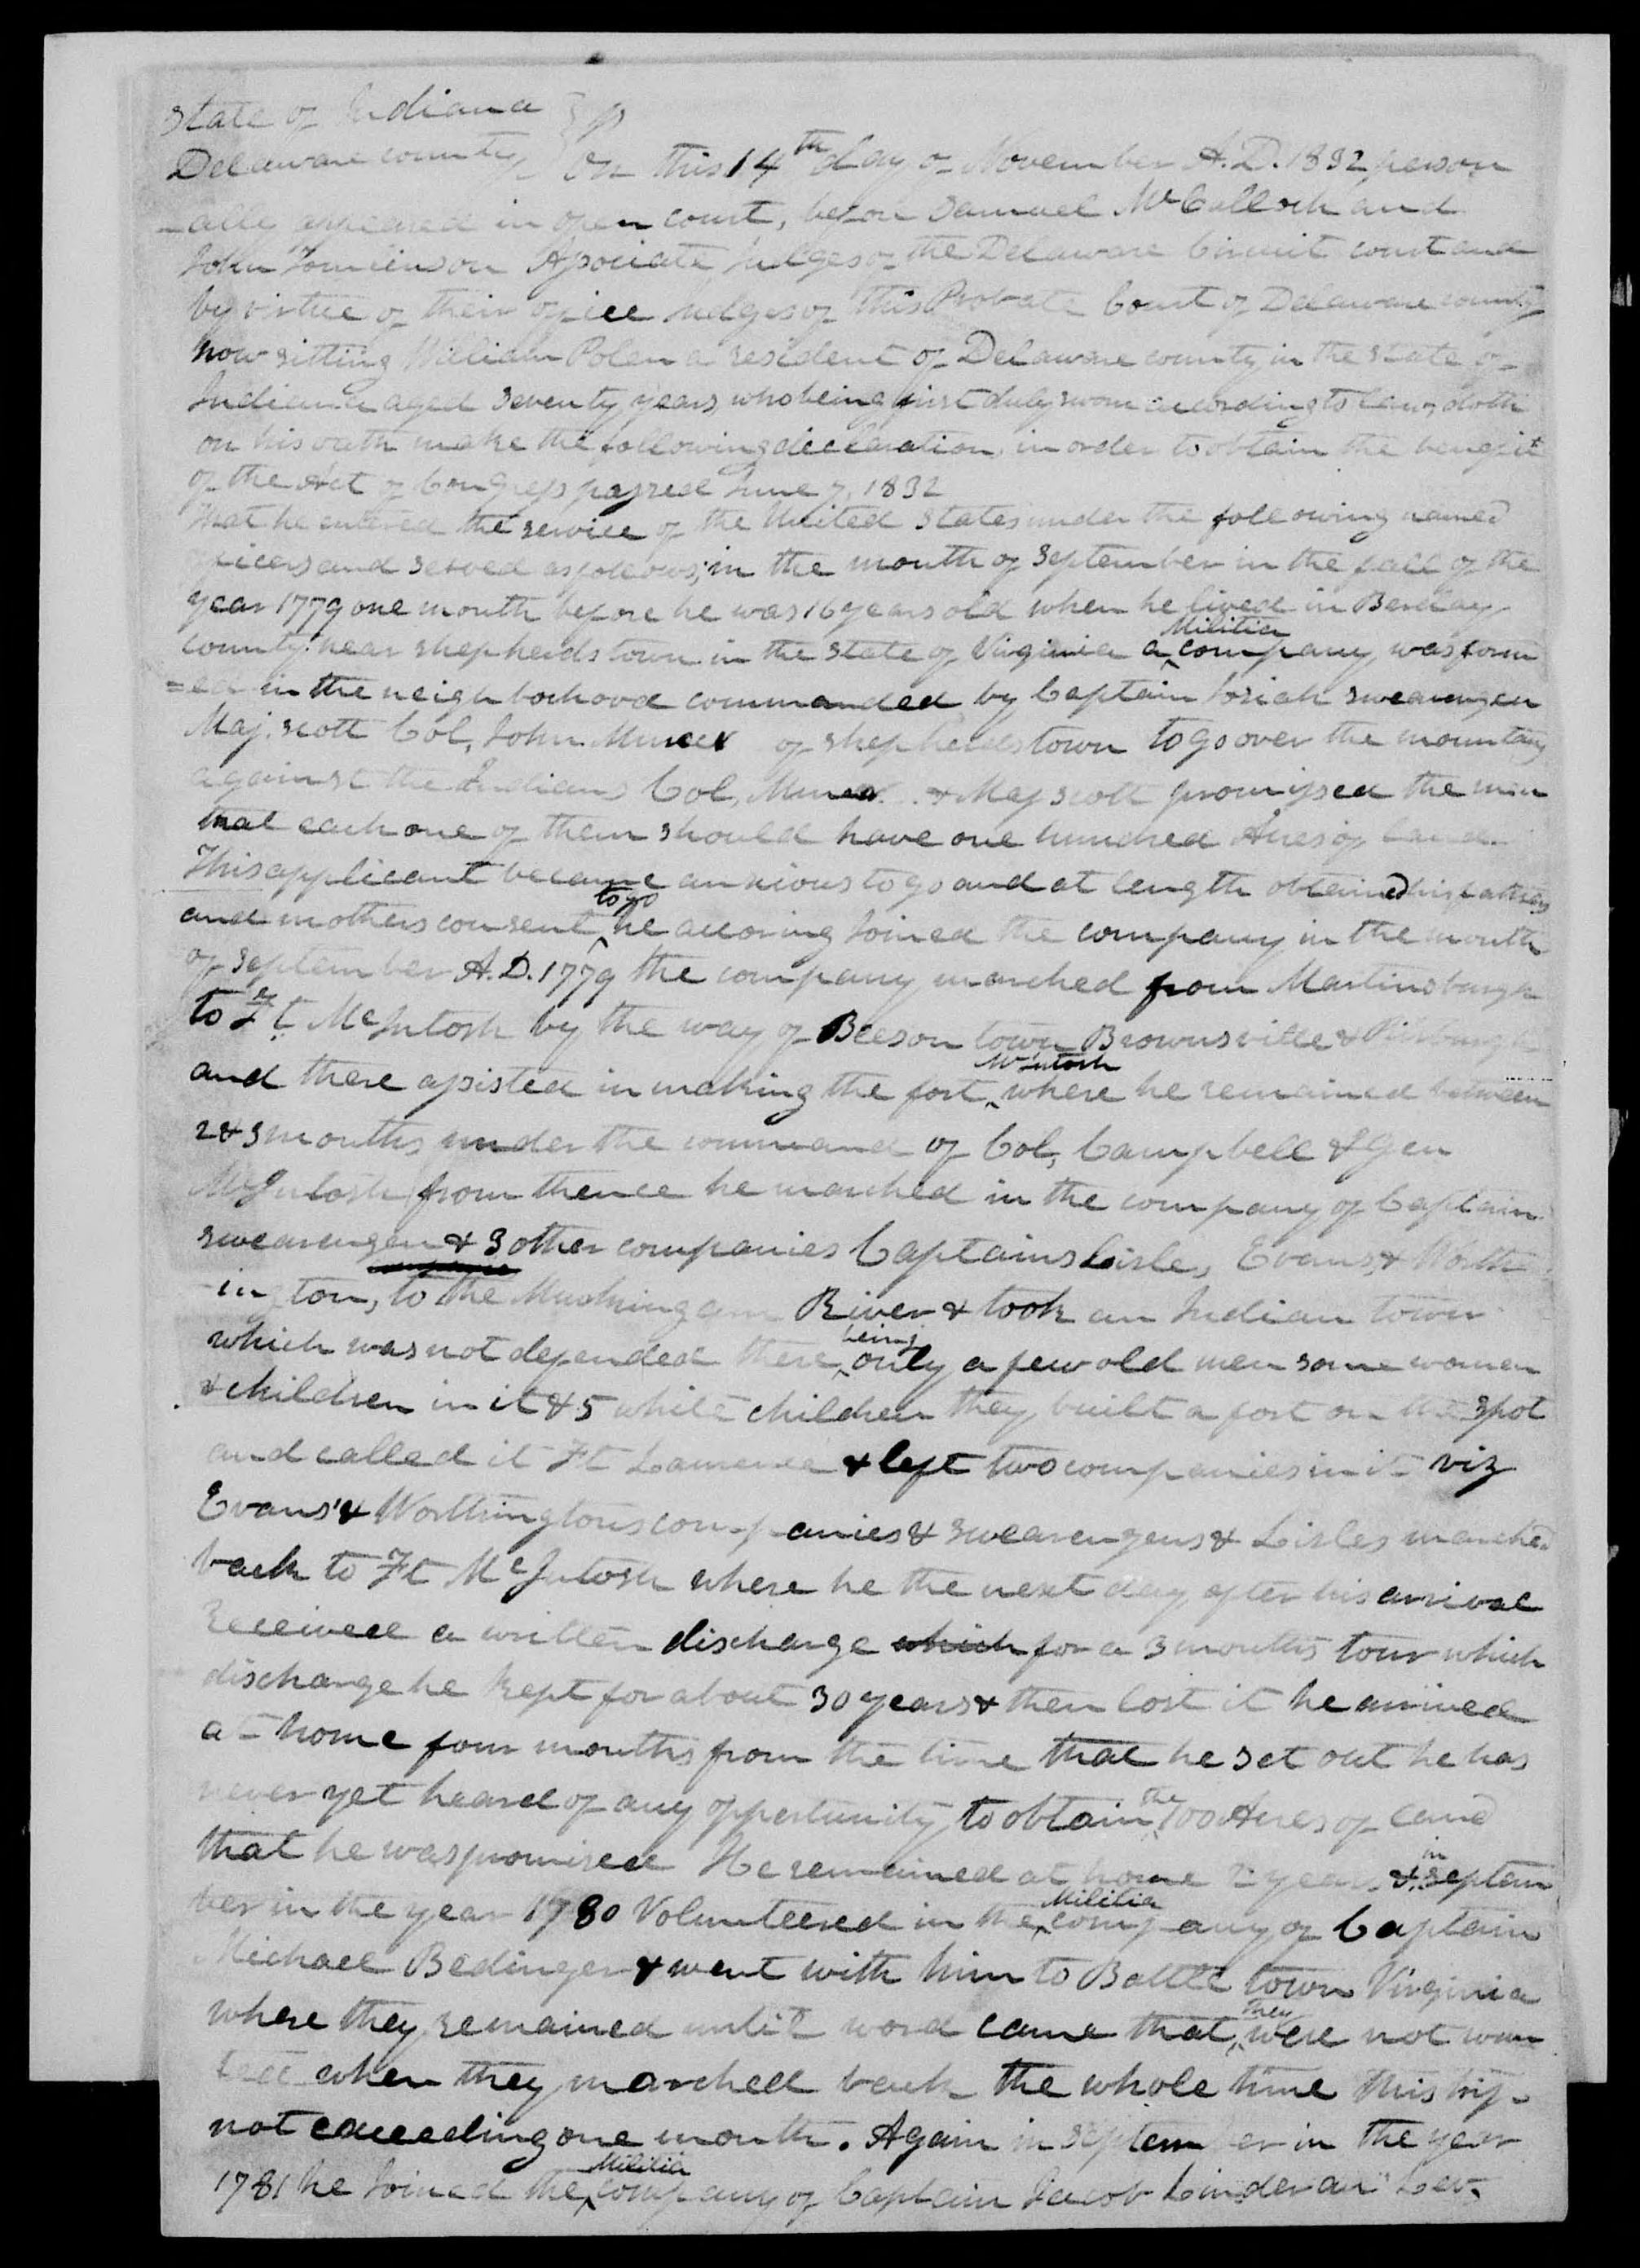State of Indiana
Delaware County On this 14th day of November A.D. 1832 personally appeared in open court, before Samuel McCulloch and John Tomlin Associate Judges of the Delaware Circuit Court and by virtue of their office Judges of this Probate Court of Delaware County now sitting William Polen a resident of Delaware county in the state of Indiana aged seventy years, who being first duly sworn according to law, doth on his oath make the following declaration, in order to obtain the benefit of the Act of Congress passed June 7, 1832.
That he entered the service of the United States under the following named officers and served as follows, in the month of September in the fall of the year 1779 one month before he was 16 years old when he lived in Berklay County near Shepherds Town in the state of Virginia a Militia Company was formed in the neighborhood commanded by Captain Josiah Swearenger Maj. Scott Col. John Mercer of Shepherds Town to go over the mountains against the Indians Col. Mercer & Maj Scott promised the men that each one of them should have one hundred Acres of land
This applicant became anxious to go and at length obtained his father's and mothers consent to go he allowing Joined the company in the month of September A.D. 1779 the company marched from Martinsburgh to Ft. McIntosh by the way of Beeson Town Brownsville & Pittsburgh and there assisted in making the fort McIntosh where he remained between 2 & 3 months under the command of Col. Campbell & Gen McIntosh from thence he marched in the company of Captain Swearenger & 3 other companies Captains Lisle, Evans, & Worthington, to the Muskingum River & took an Indian town which was not defended there being only a few old men some women & children in it & 5 white children they built a fort on the spot and called it Ft. Lawrence & left two companies in it viz Evans & Worthingtons companies & Swearengers & Lisles marched back to Ft. McIntosh where he the next day, after his arrival Received a written discharge for a 3 months tour which discharge he kept for about 30 years & then lost it he arrived at home four months from the time that he set out he has never yet heard of any opportunity to obtain 100 Acres of land that he was promised He remained at home 2 years & in September Michael Bedinger & went with him to Battle town in Virginia where they remained until word came that they were not wanted when they marched back - The whole time this trip not exceeding one months. Again in September in the year 1781 he joined the Militia company of Captain Jacob Linder and Lev,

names: [BLANK] Scott; John Marcer; Daniael Mc Culloch; Josiah Swearingen; Michael Bedinger; Jacob Linder; [BLANK] Campbell; John Tomlinson; [BLANK] Mc Intosh; [BLANK] Lisle; William Polen; [BLANK] Evans; [BLANK] Worthington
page: 3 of 21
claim: survivor's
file: S. 32453, for William Polen, Virginia